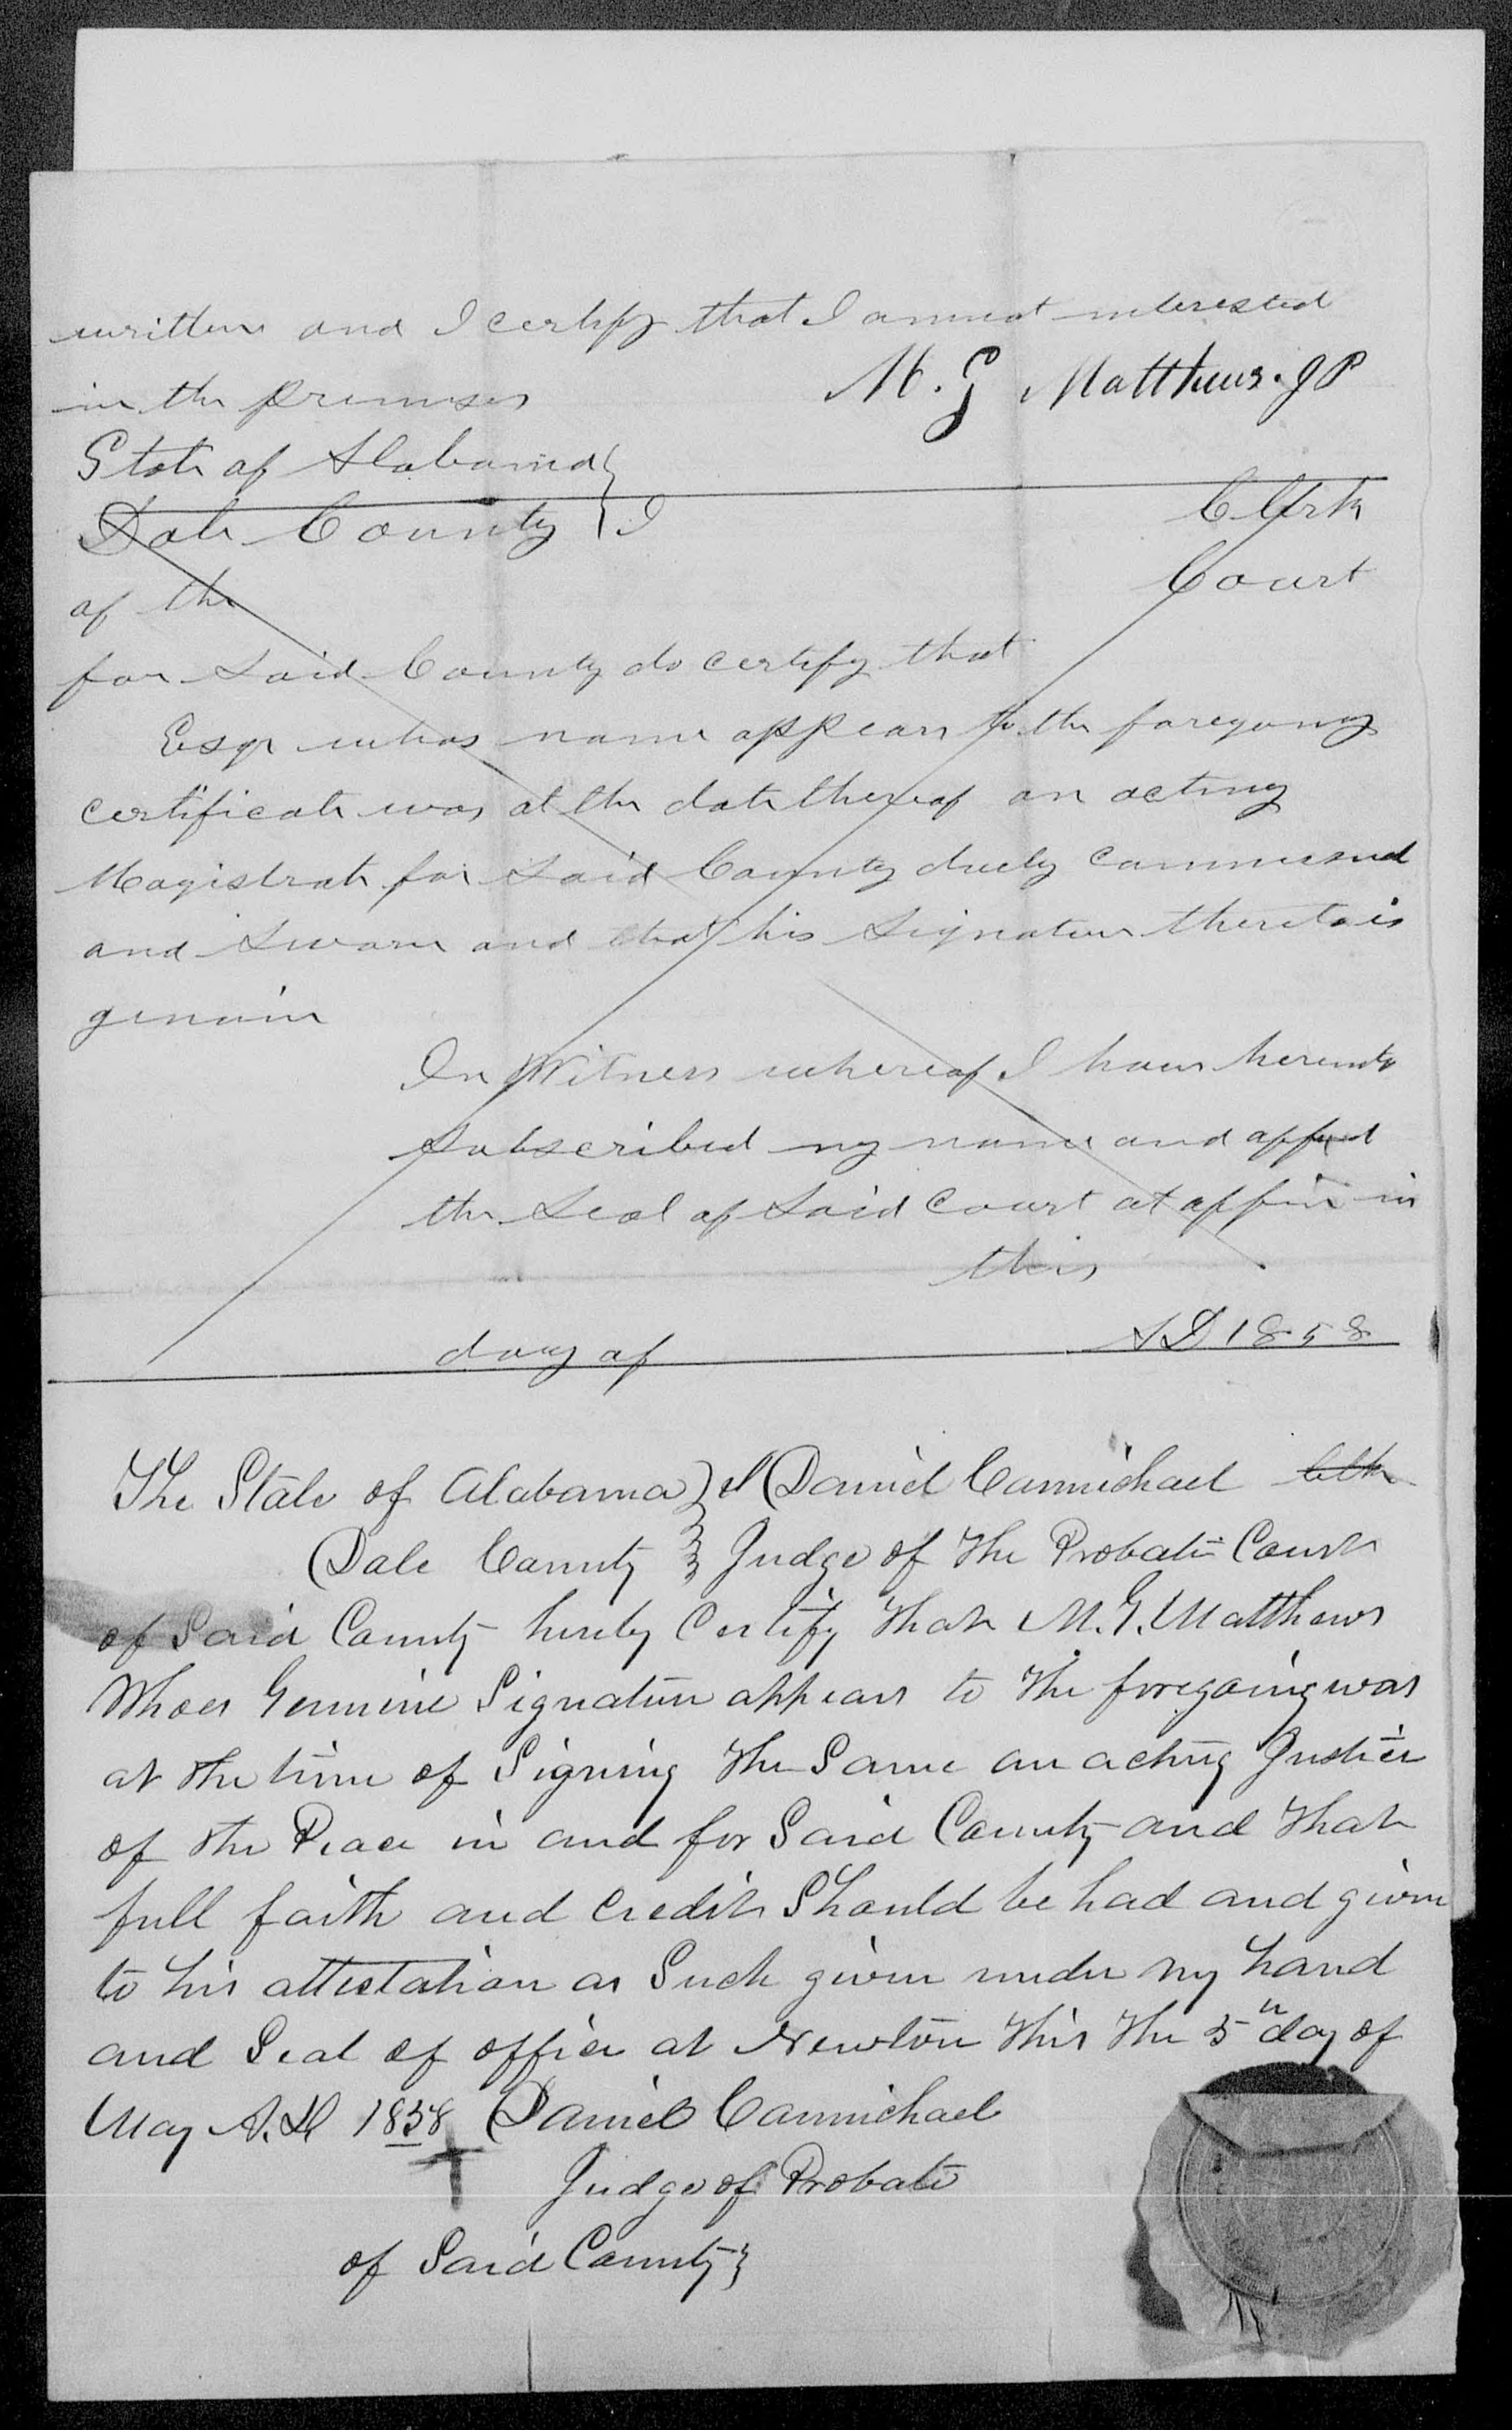written and I certify that I am not interested in the premises.  M G. Matthews JP

State of Alabama 
Dale County

[mid section of page crossed out]

The State of Alabama 
Dale County }  I David Carmichael Judge of the Probate Court of said county hereby certify that M. G Matthews whose genuine signature appears to the foregoing was at the time of signing the same an acting Justice of the Peace in and for said county and that full faith and credit should be had and given to his attestion as such given under my hand and seal of office at Newton this the 5th day of May A.D. 1858. David Carmichael Judge of Probate of said county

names: Daniel Carmichael, M G Matthews, Daniel Carmichael, M G Matthews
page: 42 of 86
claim: widow's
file: W. 6899, James Carrell, N.C.